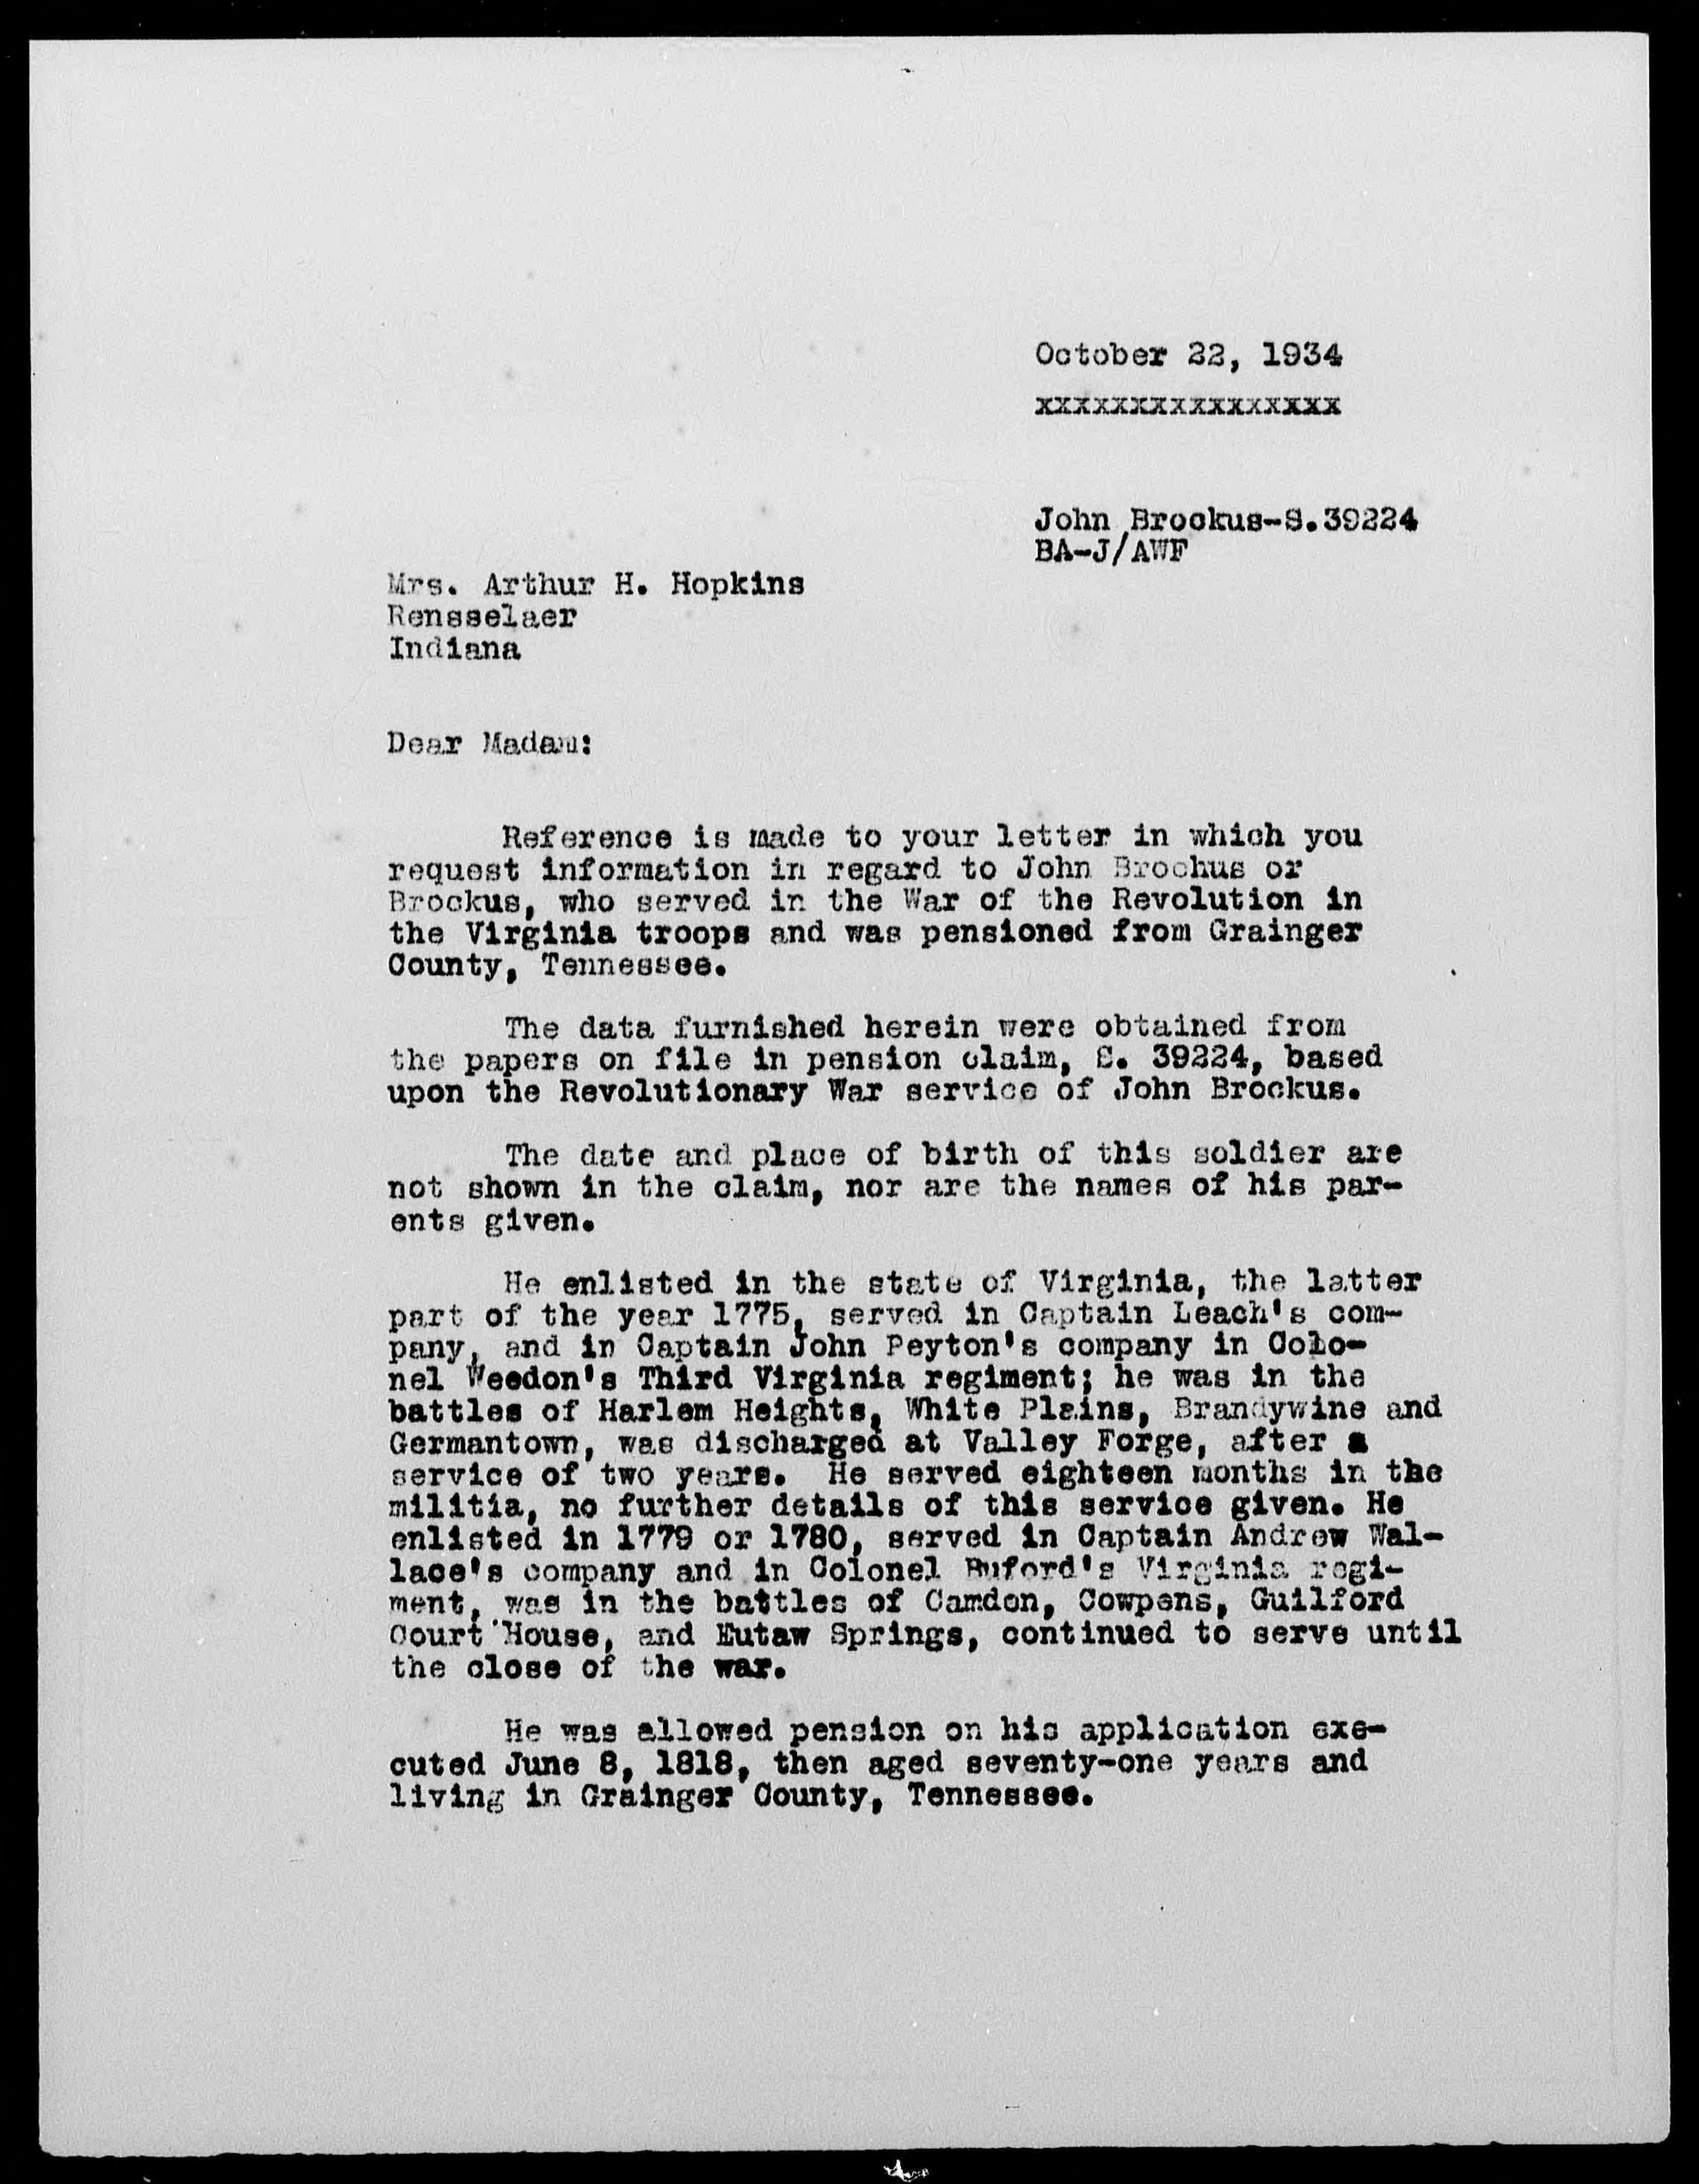October 22, 1934
John Brookus-S.39224
BA-J/AWF
Mrs. Arthur H. Hopkins
Rensselaer
Indiana
Dear Madam:
Reference is made to your letter in which you
request information in regard to John Brochus or Brockus, who served in the War of the Revolution in the Virginia troops and was pensioned from Grainger County, Tennessee.
The data furnished herein were obtained from
the papers on file in pension claim, S. 39224, based upon the Revolutionary War service of John Brockus.
The date and place of birth of this soldier are
not shown in the claim, nor are the names of his parents given.
He enlisted in the state of Virginia, the latter
part of the year 1775, served in Captain Leach's company and in Captain John Peyton's company in Colonel Weedon's Third Virginia regiment; he was in the battles of Harlem Heights, White Plains, Brandywine and
Germantown, was discharged at Valley Forge, after service of two years. He served eighteen months in the militia, no further details of this service given. He enlisted in 1779 or 1780, served in Captain Andrew Wallace's company and in Colonel Buford's Virginia regiment, was in the battles of Camden, Cowpens, Guilford
Court House, and Eutaw Springs, continued to serve until the close of the war.
He was allowed pension on his application executed June 8, 1818, then aged seventy-one years and living in Grainger County, Tennessee.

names: John Brockus, Arthur H Hopkins, John Brockus, John Brochus, John Brockus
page: 18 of 19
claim: survivor's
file: S. 39,224, John Brockus, Va.